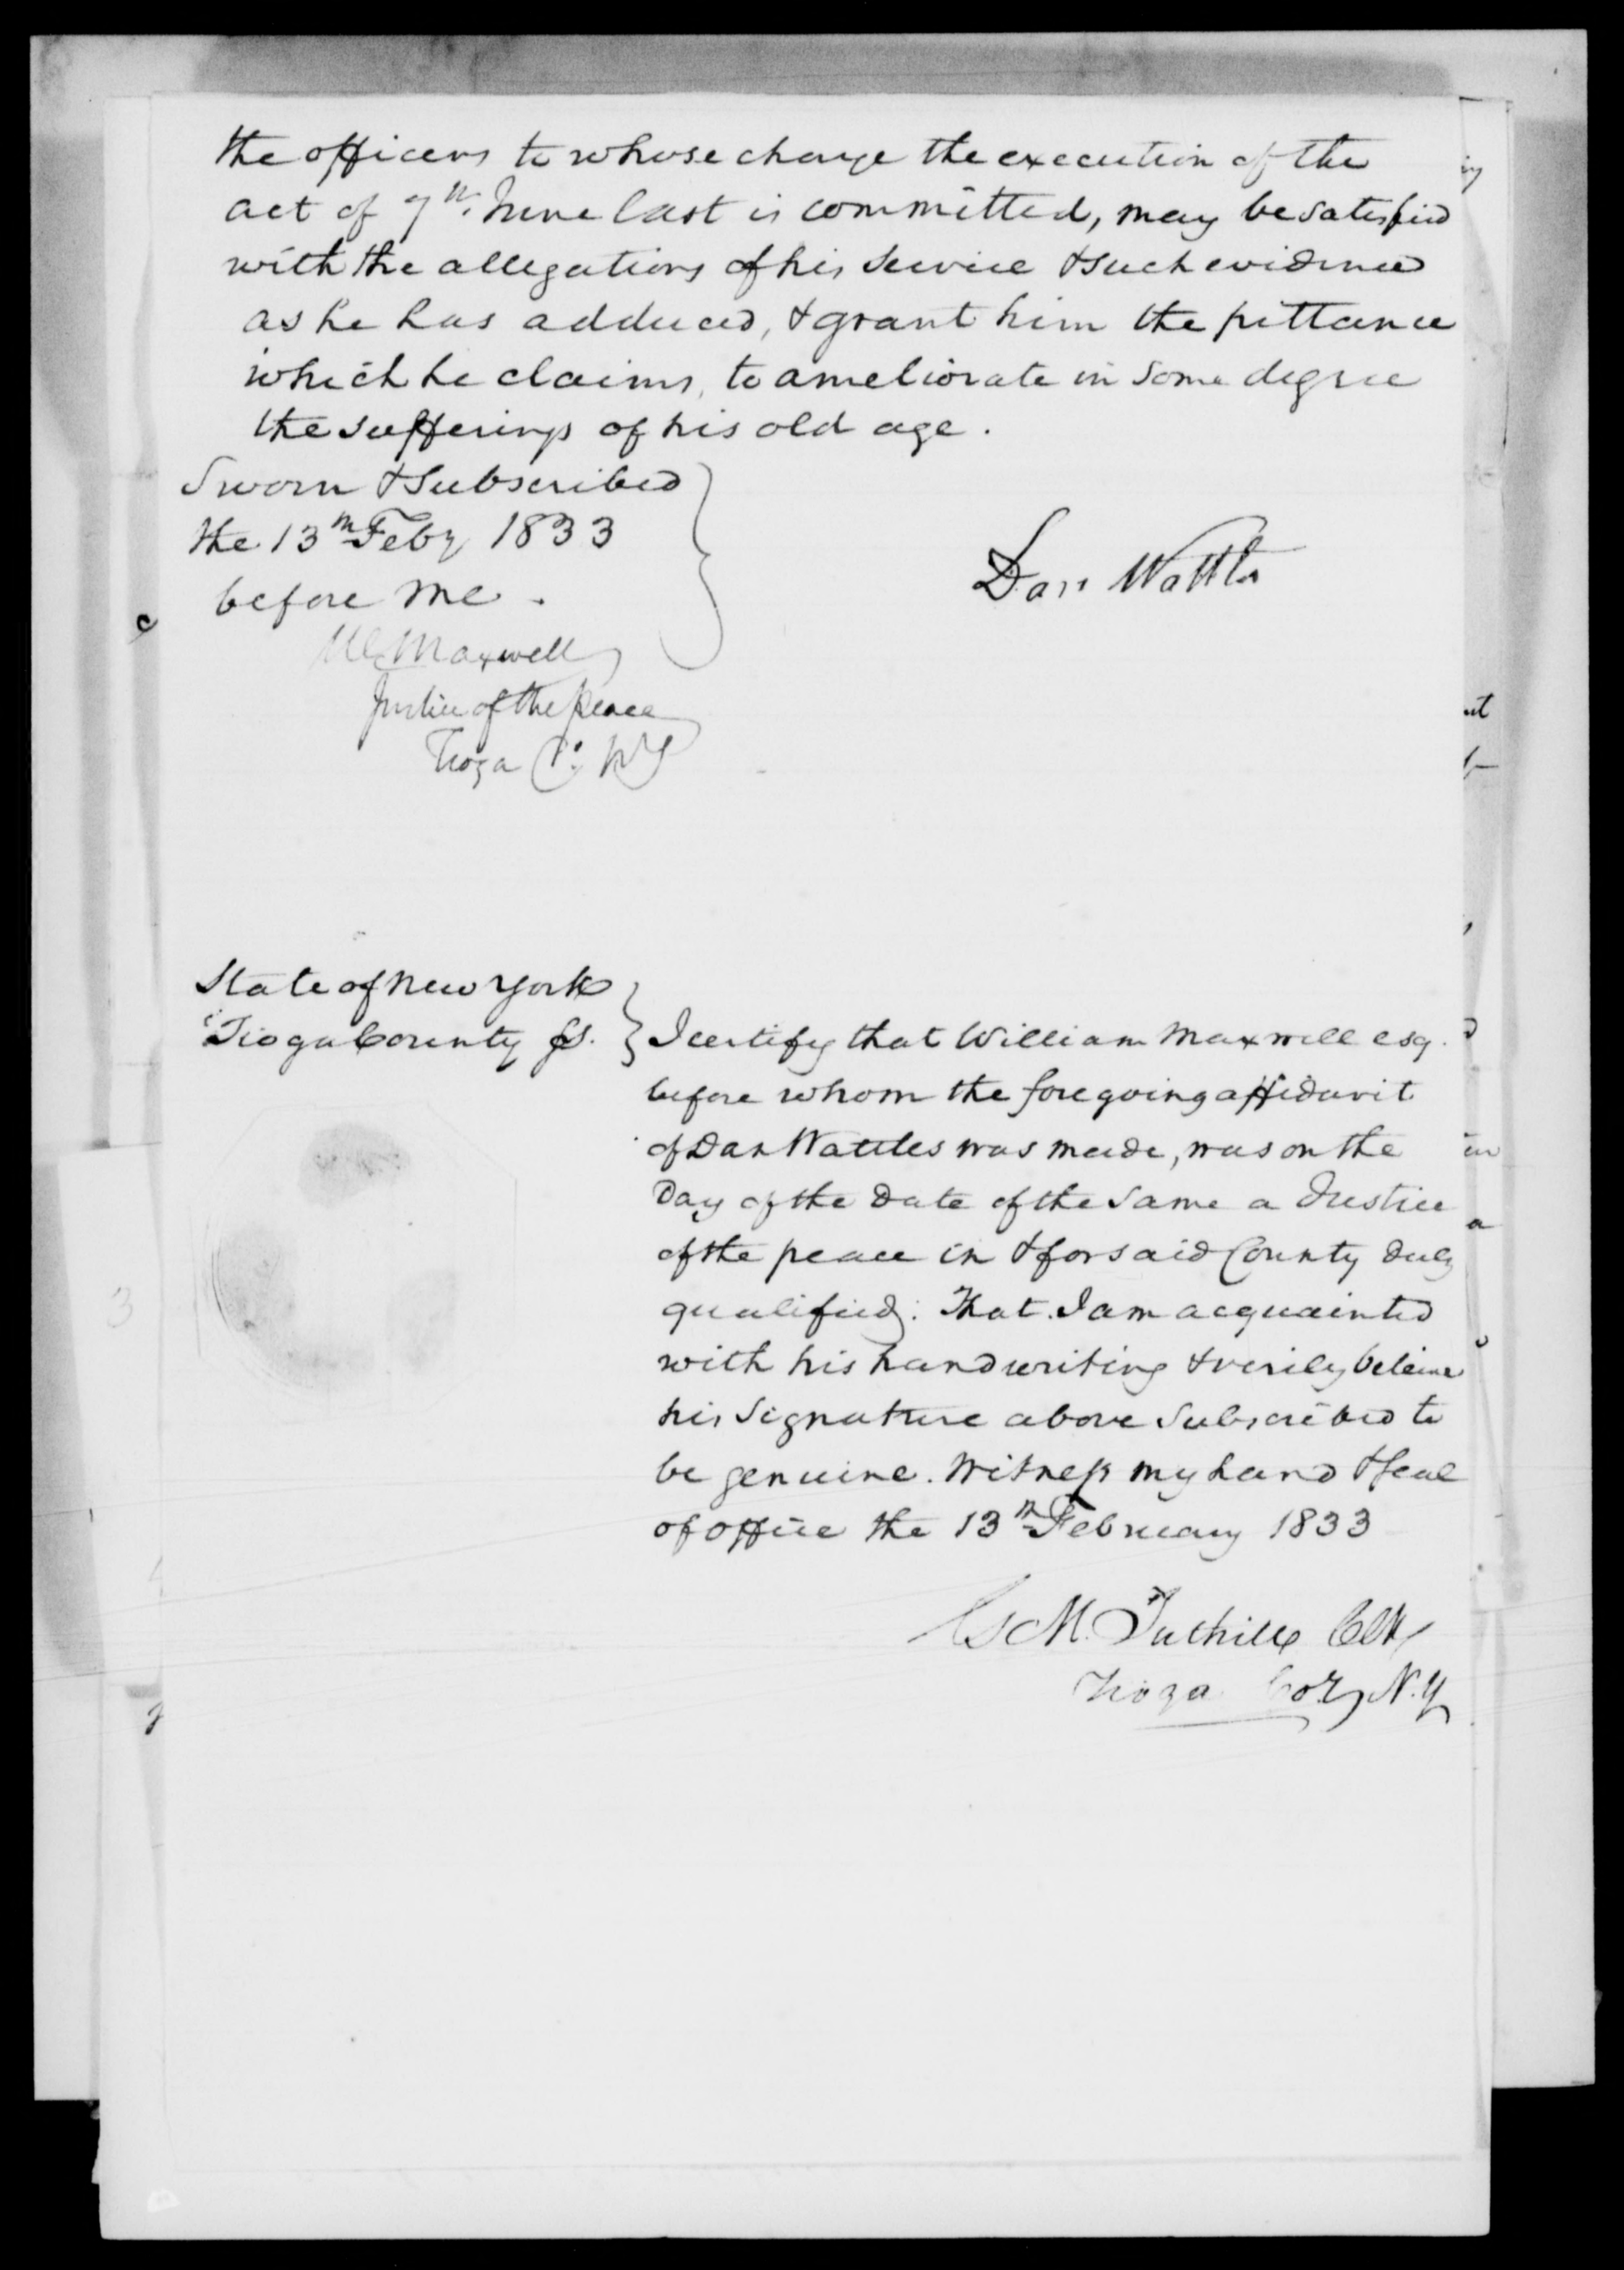the officers to whose charge the execution of the act of 7th June last is committed, may be satisfied with the allegations of his service & such evidence as he has adduced, & grant him the pittance which he claims to ameliorate in some degree the sufferings of his old age.
Dan Wattles

Sworn & Subscribed the 13th Feby 1833 before me
W Maxwell
Justice of the peace
Tioga C. NY

State of New York }
Tioga County Ss } I certify that William Maxwell Esq. before whom the foregoing affidavit of Dan Wattles was made, was on the day of the date of the same a Justice of the peace in & for said County duly qualified. That I am acquainted with his hand writing & verily believe his signature above Subscribed to be genuine. Witness my hand & seal of office the 13th February 1833
G. M. Tuthill Clk
Tioga Co. N.Y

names: G M Tuthill, William Maxwell, Dan Wattles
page: 20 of 70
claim: widow's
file: W. 3743, Dan Wattles, Conn.